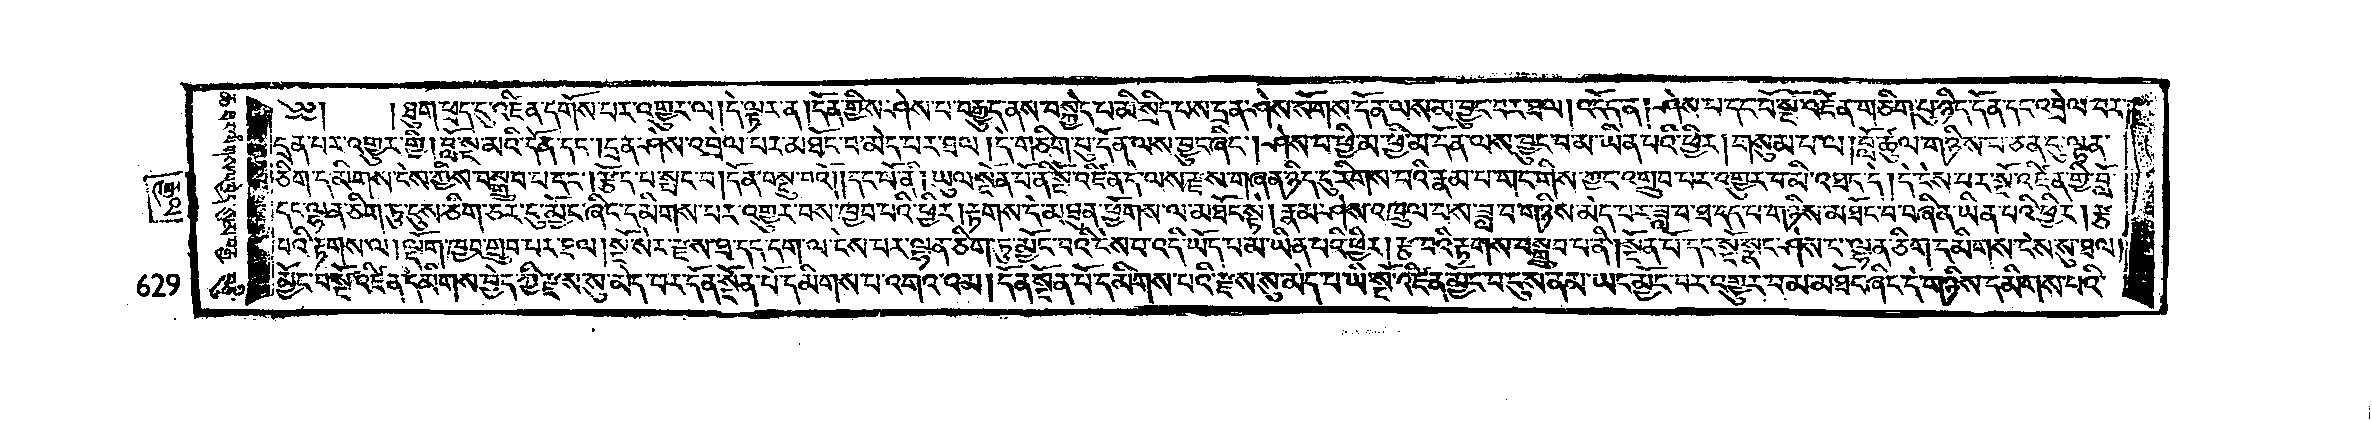༄༅། །ཐུག་ཕྲད་དུ་འཛིན་དགོས་པར་འགྱུར་ལ། དེ་ལྟར་ན། དོན་གྱིས་ཤེས་པ་བརྒྱུད་ནས་བསྐྱེད་པ་མི་སྲིད་པས་དྲན་ཤེས་སོགས་དོན་ལས་མ་བྱུང་བར་ཐལ། འདོད་ན། ཤེས་པ་དང་པོ་སྔོ་འཛིན་གཅིག་པུ་ཉིད་དོན་དང་འབྲེལ་བར་
དྲན་པར་འགྱུར་གྱི། བློ་སྔ་མའི་དད་དང་། དྲན་ཤེས་འབྲེལ་པར་མཐོང་བ་མེད་པར་ཐལ། དེ་གཅིག་པུ་དོན་ལས་བྱུང་ཞིང་། ཤེས་པ་ཕྱི་མ་ཕྱི་མ་དོན་ལས་བྱུང་བ་མ་ཡིན་པའི་ཕྱིར། གསུམ་པ་ལ། བློ་ཚུལ་གཉིས་པ་ཅན་དུ་ལྕན་
ཅིག་དམིགས་ངེས་ཀྱིས་བསྒྲུབ་པ་དང་། རྩོད་པ་སྤང་བ། དོན་བསྡུ་བའོ། །དང་པོ་ནི། ཡུལ་སྔོན་པོ་ནི་སྔོ་འཛིན་དེ་ལས་རྫས་གཞན་ཉིད་དུ་རིགས་པའི་རྣམ་པ་གང་གིས་ཀྱང་འགྲུབ་པར་འགྱུར་བ་མི་འཐད་དེ། དེ་ངེས་པར་སྔོ་འཛིན་གྱི་བློ་
དང་ལྷན་ཅིག་ཏུ་དུས་ཅིག་ཅར་དུ་མྱོང་ཞིང་དམིགས་པར་འགྱུར་བས་ཁྱབ་པའི་ཕྱིར། རྟགས་དེ་མཐུན་ཕྱོགས་ལ་མཐོང་སྟེ། རྣམ་ཤེས་འཁྲུལ་པས་ཟླ་བ་གཉིས་མེད་པར་ཟླ་བ་ཐ་དད་པ་གཉིས་མཐོང་བ་བཞིན་ཡིན་པའི་ཕྱིར། ཙ་?
བའི་རྟགས་ལ། ལྡོག་ཁྱབ་གྲུབ་པར་ཐལ། སྔོ་སེར་རྫས་ཐ་དད་དག་ལ་ངེས་པར་ལྷན་ཅིག་ཏུ་མྱོང་བའི་ངེས་པ་འདི་ཡོད་པ་མ་ཡིན་པའི་ཕྱིར། རྩ་བའི་རྟགས་བསྒྲུབ་པ་ནི། སྔོན་པོ་དང་སྔོ་སྣང་ཤེས་པ་ལྷན་ཅིག་དམིགས་ངེས་སུ་ཐལ།
མྱོང་བསྔོ་འཛིན་དེ་མིགས་བྱེད་ཀྱི་རྫས་སུ་མེད་པར་དོན་སྔོན་པོ་དམིགས་པ་འགའ་འམ། དོན་སྔོན་པོ་དམིགས་པའི་རྫས་སུ་མེད་པ་ཡི་སྔོ་འཛིན་མྱོང་བ་དུས་ནམ་ཡང་མྱོང་བར་འགྱུར་བ་མ་མཐོང་ཞིང་དེ་གཉིས་དམིགས་པའི་